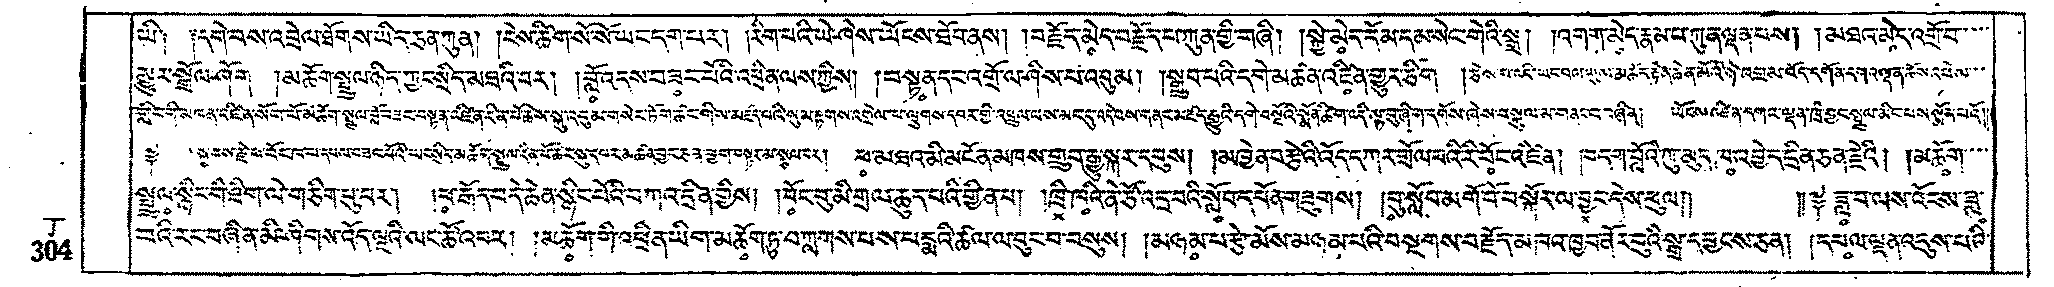ཡི༑ ༑དགེ་བས་འབྲེལ་ཐོགས་ཡིད་ཅན་ཀུན། །ངེས་ཚིག་སོ་སོ་ཡང་དག་པར། །རིག་པའི་ཡེ་ཤེས་ཡོངས་ཐོབ་ནས། །བརྗོད་མེད྾་བརྗོད་པ་ཀུན་གྱི་གཞི། །སྐྱེ་མེད྾་དོམ་དམ་སེང་གེའི་སྒྲ། །འགག་མེད྾་རྣམ་པ་ཀུན་ལྡན་པས། །མཐའ་མེད྾་འགྲོ་བ་་་
མྱུར་སྒྲོལ་ཤོག །མཆོག་སྤྲུལ་ཉིད་ཀྱང་སྲིད་མཐའི་བར། །བློ྾་འདས་བཟང྾་པོའི་འཕྲིན་ལས་ཀྱིས། །བསྟན྾་དང་འགྲོ་ལ་ཤིས་པ་འབུམ། །སྒྲུབ་པའི་དགེ་མཚན་འཛིན྾་གྱུར་ཅིག །ཅེས་པ་འདི་ཡང་བལ་ཡུལ་མཆོད་རྟེན་ཆེན་མོའི་ཉེ་འགྲམ་བོད་དགོན་དགའ་ལྡན་ཆོས་འཕེལ་་་
གླིང་གི་མཁན་འཛིན་སོག་པོ་མཆོག་སྤྲུལ་བློ་བཟང་བསྟན་འཛིན་རིན་པོ་ཆེས་སྐུ་འབུམ་གསེར་ཏོག་ཚང་གིས་མཛད་པའི་སུམ་རྟགས་འགྲེལ་པ་ལྕགས་དཔར་གྱི་འཕྲུལ་ལས་མང་དུ་འདེབས་གནང་མཛད་རྒྱུའི་དགེ་བསྔོའི་སྨོན་ཚིག་འདི་ལྟ་བུ་ཞིག་དགོས་ཞེས་བསྐུལ་མ་གནང་བ་བཞིན། ཡོངས་འཛིན་དགའ་ལྡན་ཁྲི་བྱང་སྤྲུལ་མིང་པས་སྨོན་པའོ།།
༧་འྶྐྱབས་རྗེ་ཕ་བོང་ཁ་པ་དཔལ་བཟང་པོའི་ཡང་སྲིད་མཆོག་སྤྲུལ་རིན་ཆེར་སྐུ་དཔར་མཚན་བྱང་ཅན་ཕྱག་བསྟར་མ་སྩལ་དར། ཕ་མཐར་མི་མངོན་མཁས་གྲུབ་རྒྱུ་སྐར་དབུས། །མཁྱེན་བརྩེའི་འོད་དཀར་གྲོལ་བའི་རི་བོང་འཛིན། །བདག་བློའི་ཀུ་མུད་ཁ་འབྱེད་དྲིན་ཅན་རྗེའི། །མཆོག་་་
སྤྲུལ་སྙིང་གི་ཐིག་ལེ་གཅིག་པུ་པར། །ཕ་རྒོད་བདེ་ཆེན་སྙིང་པོའི་བཀའ་དྲིན་གྱིས། །བོང་བུ་མི་གྲལ་ཆུད་པའི་གྱི་ན་པ། །ཁྲི་ཁའི་ནེ་ཙོ་འདྲ་བའི་སློབ་དཔོན་གཟུགས། །བུ་སློབ་མགོ་བོ་བསྐོར་ལ་བྱང་དེས་ཕུལ།། །།འ་ཟླ་བ་ལས་འོངས་ཟླ་
བའི་རང་བཞིན་མི་ཤིགས་འོད་ལྔའི་ལང་ཚོ་འབར། །མཆོག྾་གི་འཕྲིན་ཡིག་མཆོག྾་ཏུ་བཀླགས་པས་པདམའི་ཚལ་ལ་བུང་བ་བསུས། །མཉམ྾་པ་རྩེ་མོས་མཉམ་པའི་བསྔགས་བརྗོད་མཁའ་ཁྱབ་ནོར་བུའི་སྒྲ་དབྱངས་ཅན། །དཔལ྾་ལྡན་འདུས་པའི་